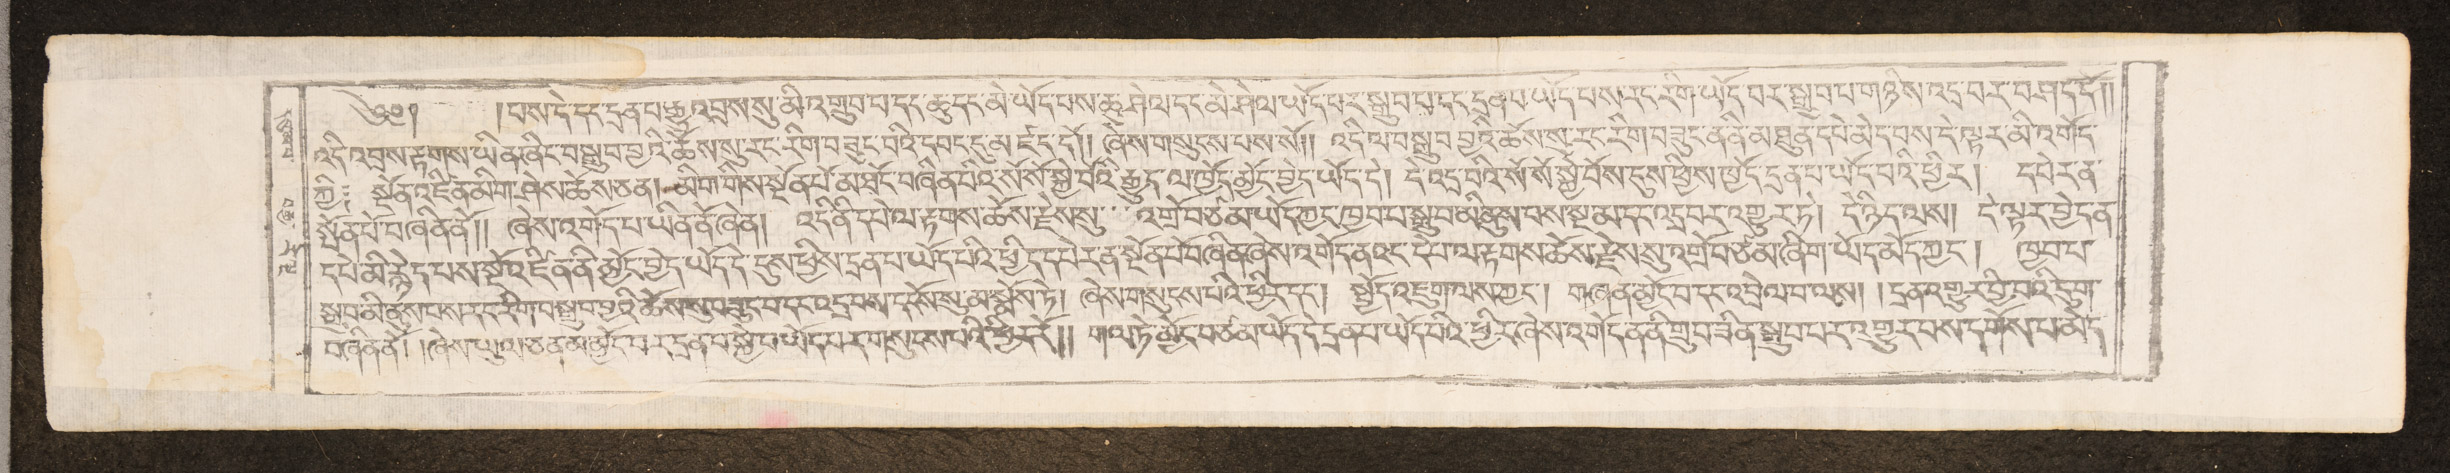༄༅། །པས་དེ་དང་དྲན་པ་རྒྱུ་འབྲས་སུ་མི་འགྲུབ་པ་དང་ཆུ་དང་མེ་ཡོད་པས་ཆུ་ཤེལ་དང་མེ་ཤེལ་ཡོད་པར་སྒྲུབ་པ་དང་དྲན་པ་ཡོད་པས་རང་རིག་ཡོད་བར་སྒྲུབ་པ་གཉིས་འདྲ་བར་བཤད་དོ།།
འདི་འབྲས་རྟགས་ཡིན་ཞིང་བསྒྲུབ་བྱའི་ཆོས་སུ་རང་རིག་བཟུང་བའི་དབང་དུ་མཛད་དོ། །ཞེས་གསུངས་པས་སོ།། འདི་ལ་བསྒྲུབ་བྱའི་ཆོས་སུ་རང་རིག་བཟུང་ན་ནི་མཐུན་དཔེ་མེད་པས་དེ་ལྟར་མི་འགོད་
ཀྱི༑ སྔོན་འཛིན་མིག་ཤེས་ཆོས་ཅན། མིག་གིས་སྔོན་པོ་མཐོང་བཞིན་པའི་སོ་སོ་སྐྱེ་བོའི་རྒྱུད་ལ་ཁྱོད་མྱོང་བྱེད་ཡོད་དེ། དེ་འདྲ་བའི་སོ་སོ་སྐྱེ་བོས་དུས་ཕྱིས་ཁྱོད་དྲན་པ་ཡོད་པའི་ཕྱིར། དཔེར་ན་
སྔོན་པོ་བཞིན་ནོ།། ཞེས་འགོད་པ་ཡིན་ནོ་ཞེ་ན། འདི་ནི་དཔེ་ལ་རྟགས་ཆོས་རྗེས་སུ་འགྲོ་བ་ཙམ་ཡོད་ཀྱང་ཁྱབ་པ་སྒྲུབ་མི་ནུས་པས་སྔ་མ་དང་འདྲ་བར་འགྱུར་ཏེ། དེ་ཉིད་ལས། དེ་ལྟར་བྱེད་ན་
དཔེ་མི་རྙེད་པས་སྔོ་འཛིན་ནི་མྱོང་བྱེད་ཡོད་དེ་དུས་ཕྱིས་དྲན་པ་ཡོད་པའི་ཕྱིད་དཔེར་ན་སྔོན་པོ་བཞིན་ཞེས་འགོད་ནའང་དཔེ་ལ་རྟགས་ཆོས་རྗེས་སུ་འགྲོ་བ་ཙམ་ཞིག་ཡོད་མོད་ཀྱང་། ཁྱབ་པ་
སྒྲུབ་མི་ནུས་པས་རང་རིག་བསྒྲུབ་བྱའི་ཆོས་སུ་བཟུང་བ་དང་འདྲ་བས་དངོས་སུ་མ་སྨོས་ཏེ། ཞེས་གསུངས་པའི་ཕྱིར་དང་། སྤྱོད་འཇུག་ལས་ཀྱང་། གཞན་མྱོང་བ་དང་འབྲེལ་བ་ལས། །དྲན་འགྱུར་བྱི་བའི་དུག་
བཞིན་ནོ། །ཞེས་ཡུལ་ཅན་མ་མྱོང་བར་དྲན་པ་སྐྱེ་བ་ཡོད་པར་གསུངས་པའི་ཕྱིར་རོ།། གལ་ཏེ་མྱོང་བ་ཙམ་ཡོད་དེ་དྲན་པ་ཡོད་པའི་ཕྱིར་ཞེས་འགོད་ན་ནི་གྲུབ་ཟིན་སྒྲུབ་པར་འགྱུར་བས་དགོས་པ་མེད་